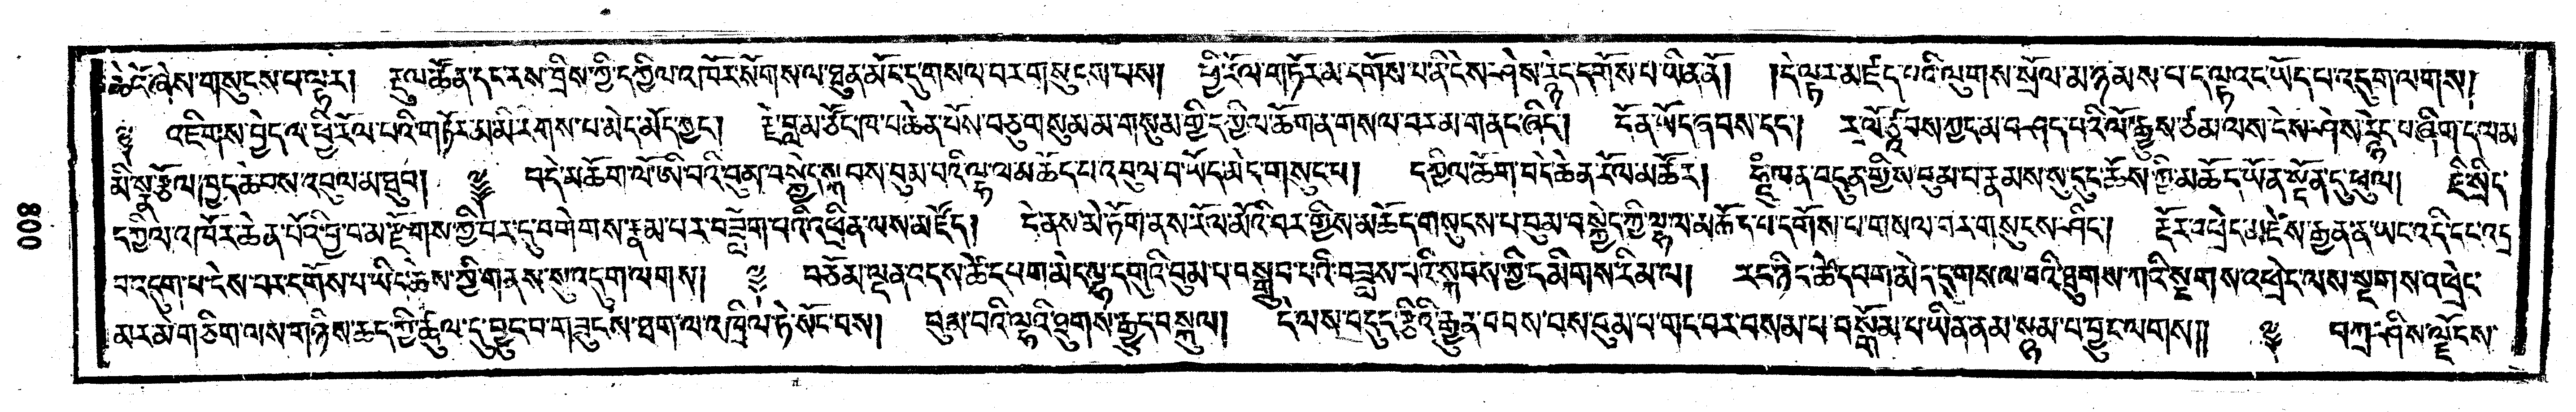ཆེའོ་ཞེས་གསུངས་པ་ལྟར། རྡུལ་ཚོན་དང་རས་བྲིས་ཀྱི་དཀྱིལ་འཁོར་སོགས་ལ་ཐུན་མོང་དུ་གསལ་བར་གསུངས་པས། ཕྱི་རོལ་གཏོར་མ་དགོས་པ་ནི་ངེས་ཤེས་རྙེད་དགོས་པ་ཡིན་ནོ། །དེ་ལྟར་མཛད་པའི་ལུགས་སྲོལ་མ་ཉམས་པ་ད་ལྟའང་ཡོད་པ་འདུག་ལགས།
༈ འཇིགས་བྱེད་ལ་ཕྱི་རོལ་པའི་གཏོར་མ་མི་རིགས་པ་མེད་མོད་ཀྱང་། རྗེ་བལ་མ་ཙོང་ཁ་པ་ཆེན་པོས་བཅུ་གསུམ་མ་གསུམ་གྱི་དཀྱིལ་ཆོག་ན་གསལ་བར་མ་གནང་ཞིང་། དོན་ཡོད་ཞབས་དང་། རྭ་ལོ་ཙཱ་བས་ཀྱང་མ་བཤད་པའི་ལོ་རྒྱུས་ཙམ་ལས་ངེས་ཤེས་རྙེད་པ་ཞིག་ད་ལམ་
མི་སྣ་རྩོལ་ཁྱད་ཆེ་བས་འབུལ་མ་ཐུབ། ༈ བདེ་མཆོག་ལོ་ཨི་བའི་བུམ་བསྐྱེད་སྐབས་བུམ་པའི་ལྷ་ལ་མཆོད་པ་འབུལ་བ་ཡོད་མེད་གསུང་པ། དཀྱིལ་ཆོག་བདེ་ཆེན་རོལ་མཚོར། ཧཱུཾ་ལན་བདུན་གྱིས་བུམ་པ་རྣམས་སུ་དུང་ཆོས་ཀྱི་མཆོད་ཡོན་སྔོན་དུ་ཕུལ། ཇི་སྲིད་
དཀྱིལ་འཁོར་ཆེན་པོའི་བྱི་བ་མ་རྫོགས་ཀྱི་བར་དུ་བགེགས་རྣམ་པར་བཟློག་པའི་འཕྲིན་ལས་མཛོད། དེ་ནས་མེ་ཏོག་ནས་རོལ་མོའི་བར་གྱིས་མཆོད་གསུངས་པ་བུམ་བསྐྱེད་ཀྱི་ལྷ་ལ་མཆོད་པ་དགོས་པ་གསལ་བར་གསུངས་ཤིང་། རྡོར་འཕྲེང་མཛེས་རྒྱན་ན་ཡང་འདི་དང་འདྲ་
བ་འདུག་པ་ངེས་པར་དགོས་པ་ཡིད་ཆེས་ཀྱི་གནས་སུ་འདུག་ལགས། ༈ བཅོམ་ལྡན་འདས་ཚེ་དཔག་མེད་ལྷ་དགུའི་བུམ་པ་བསྒྲུབ་པའི་བཟླས་པའི་སྐབས་ཀྱི་དམིགས་རིམ་ལ། རང་ཉིད་ཚེ་དཔག་མེད་དུ་གསལ་བའི་ཐུགས་ཀའི་སྔགས་འཕྲེང་ལས་སྔགས་འཕྲེང་
མར་མེ་གཅིག་ལས་གཉིས་ཆད་ཀྱི་ཚུལ་དུ་བྱུང་བ་གཟུངས་ཐག་ལ་འཁྲིལ་ཏེ་སོང་བས། བུམ་པའི་ལྷའི་ཐུགས་རྒྱུད་བསྐུལ། དེ་ལས་བདུད་རྩིའི་རྒྱུན་བབས་པས་བུམ་པ་གང་བར་བསམ་པ་བསྒོམ་པ་ཡིན་ཨནམ་སྙམ་པ་བྱུང་ལགས།། ༈ བཀྲ་ཤིས་ལྗོངས་